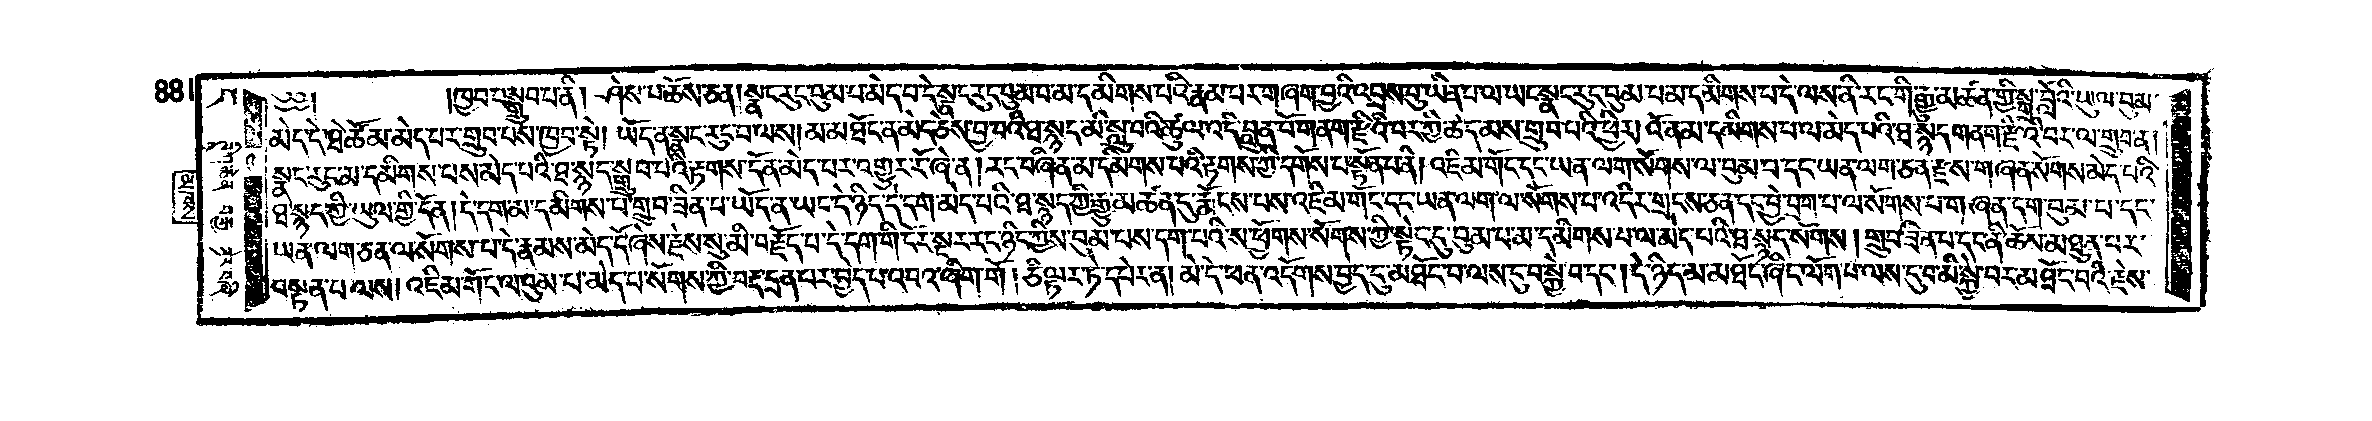༄༅། །ཁྱབ་པ་སྒྲུབ་པ་ནི། ཤེས་པ་ཆོས་ཅན། སྣང་རུང་བུམ་པ་མེད་པ་དེ་སྣང་རུང་བུམ་པ་མ་དམིགས་པའི་རྣམ་པར་གཞག་བྱའི་འབྲས་བུ་ཡིན་པ་ལ་ཡང་སྣང་རུང་བུམ་པ་མ་དམིགས་པ་དེ་ལས་ནི་རང་གི་རྒྱུ་མཚན་གྱི་སྒྲ་བློའི་ཡུལ་བུམ་
མེད་དེ་ཐེ་ཚོམ་མེད་པར་གྲུབ་པས་ཁྱབ་སྟེ། ཡོད་ན་སྣང་རུང་བ་ལས། མ་མཐོང་ན་མེད་ཅེས་བྱ་བའི་ཐ་སྙད་མི་སླུ་བའི་ཚུལ་འདི་བླུན་པོ་གནག་རྫིའི་བར་ཀྱི་ཚད་མས་གྲུབ་པའི་ཕྱིར། འོ་ན་མ་དམིགས་པ་ལ་མེད་པའི་ཐ་སྙད་གནག་རྫིའི་བར་ལ་གྲུབ་ན།
སྣང་རུང་མ་དམིགས་པས་མེད་པའི་ཐ་སྙད་སྒྲུབ་པའི་རྟགས་དོན་མེད་པར་འགྱུར་རོ་ཞེ་ན། རང་བཞིན་མ་དམིགས་པའི་རྟགས་ཀྱི་དགོས་པ་སྟོན་པ་ནི། འཇིམ་གོང་དང་ཡན་ལག་སོགས་ལ་བུམ་པ་དང་ཡན་ལག་ཅན་རྫས་གཞན་སོགས་མེད་པའི་
ཐ་སྙད་ཀྱི་ཡུལ་གྱི་དོན། དེ་དག་མ་དམིགས་པ་གྲུབ་ཟིན་པ་ཡོད་ན་ཡང་དེ་ཉིད་དེ་དག་མེད་པའི་ཐ་སྙད་ཀྱི་རྒྱུ་མཚན་དུ་རྨོངས་པས་འཇིམ་གོང་དང་ཡན་ལག་ལ་སོགས་པ་འདིར་གྲངས་ཅན་དང་བྱེ་བྲག་པ་ལ་སོགས་པ་གཞན་དག་བུམ་པ་དང་
ཡན་ལག་ཅན་ལ་སོགས་པ་དེ་རྣམས་མེད་དོ་ཞེས་རྗེས་སུ་མི་བརྗོད་པ་དེ་དག་གི་ངོར་སྔར་རང་ཉིད་ཀྱིས་བུམ་པས་དག་པའི་ས་ཕྱོགས་སོགས་ཀྱི་སྟེང་དུ་བུམ་པ་མ་དམིགས་པ་ལ་མེད་པའི་ཐ་སྙད་སོགས། གྲུབ་ཟིན་པ་དང་ནི་ཆོས་མཐུན་པར་
བསྟན་པ་ལས། འཇིམ་གོང་ལ་བུམ་པ་མེད་པ་སོགས་ཀྱི་བརྡ་དྲན་པར་བྱེད་པ་འབའ་ཞིག་གོ། ཅི་ལྟར་ཏེ་དཔེར་ན། མེ་དེ་ཕན་འདོགས་བྱེད་དུ་མཐོང་བ་ལས་དུ་བ་སྐྱེ་བ་དང་། དེ་ཉིད་མ་མཐོང་ཞིང་ལོག་པ་ལས་དུ་བ་མི་སྐྱེ་བར་མཐོང་བའི་རྗེས་